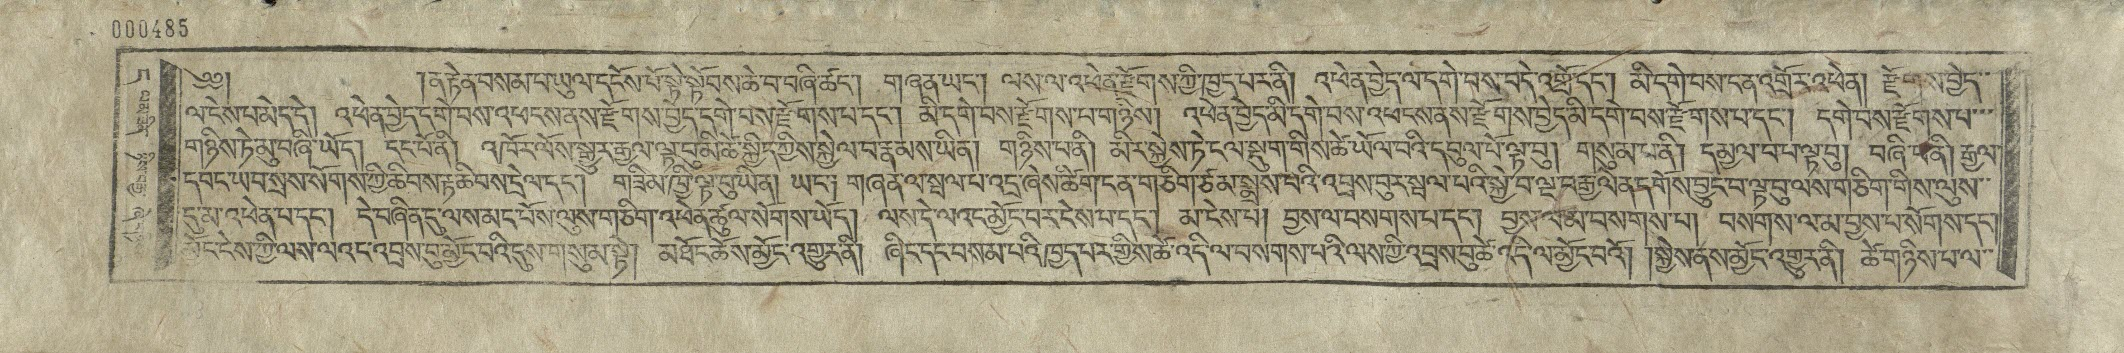༄༅། །ན་རྟེན་བསམ་པ་ཡུལ་དངོས་པོ་སྟེ་སྟོབས་ཆེ་བ་བཞི་ཚང་། གཞན་ཡང་། ལས་ལ་འཕེན་རྫོགས་ཀྱི་ཁྱད་པར་ནི། འཕེན་བྱེད་ལ་དགེ་བས་བདེ་འགྲོ་དང་། མི་དགེ་བས་ངན་འགྲོར་འཕེན། རྫོགས་བྱེད་
ལ་ངེས་པ་མེད་དེ། འཕེན་བྱེད་དགེ་བས་འཕངས་ནས་རྫོགས་བྱེད་དགེ་བས་རྫོགས་པ་དང་། མི་དགེ་བས་རྫོགས་པ་གཉིས། འཕེན་བྱེད་མི་དགེ་བས་འཕངས་ནས་རྫོགས་བྱེད་མི་དགེ་བས་རྫོགས་པ་དང་། དགེ་བས་རྫོགས་པ་
གཉིས་ཏེ་མུ་བཞི་ཡོད། དང་པོ་ནི། འཁོར་ལོས་སྒྱུར་རྒྱལ་ལྟ་བུ་མི་ཚེ་སྐྱིད་ཀྱིས་སྐྱེལ་བ་རྣམས་ཡིན། གཉིས་པ་ནི། མིར་སྐྱེས་ཏེ་ངལ་སྡུག་གིས་ཚེ་ཡོལ་བའི་དབུལ་པོ་ལྟ་བུ། གསུམ་པ་ནི། དམྱལ་བ་པ་ལྟ་བུ། བཞི་པ་ནི། རྒྱལ་
དབང་ཡབ་སྲས་སོགས་ཀྱི་ཆིབས་རྟ་ཆིབས་དྲེལ་དང་། གཟིམ་ཁྱི་ལྟ་བུ་ཡིན། ཡང༑ གཞན་ལ་སྦལ་པ་འདྲ་ཞེས་ཚིག་ངན་གཅིག་ཙམ་སྨྲས་པའི་འབྲས་བུར་སྦལ་པའི་སྐྱེ་བ་ལྔ་བརྒྱ་ལེན་དགོས་བྱུང་བ་ལྟ་བུ་ལས་གཅིག་གིས་ལུས་
དུ་མ་འཕེན་པ་དང་། དེ་བཞིན་དུ་ལས་མང་པོས་ལུས་གཅིག་འཕེན་ཚུལ་སོགས་ཡོད། ལས་དེ་ལའང་མྱོང་བར་ངེས་པ་དང་། མ་ངེས་པ། བྱས་ལ་བསགས་པ་དང་། བྱས་ལ་མ་བསགས་པ། བསགས་ལ་མ་བྱས་པ་སོགས་དང་།
མྱོང་ངེས་ཀྱི་ལས་ལའང་འབྲས་བུ་མྱོང་བའི་དུས་གསུམ་སྟེ། མཐོང་ཆོས་མྱོང་འགྱུར་ནི། ཞིང་དང་བསམ་པའི་ཁྱད་པར་གྱིས་ཚེ་འདི་ལ་བསགས་པའི་ལས་ཀྱི་འབྲས་བུ་ཚེ་འདི་ལ་མྱོང་བའོ། །སྐྱེས་ནས་མྱོང་འགྱུར་ནི། ཚེ་གཉིས་པ་ལ་